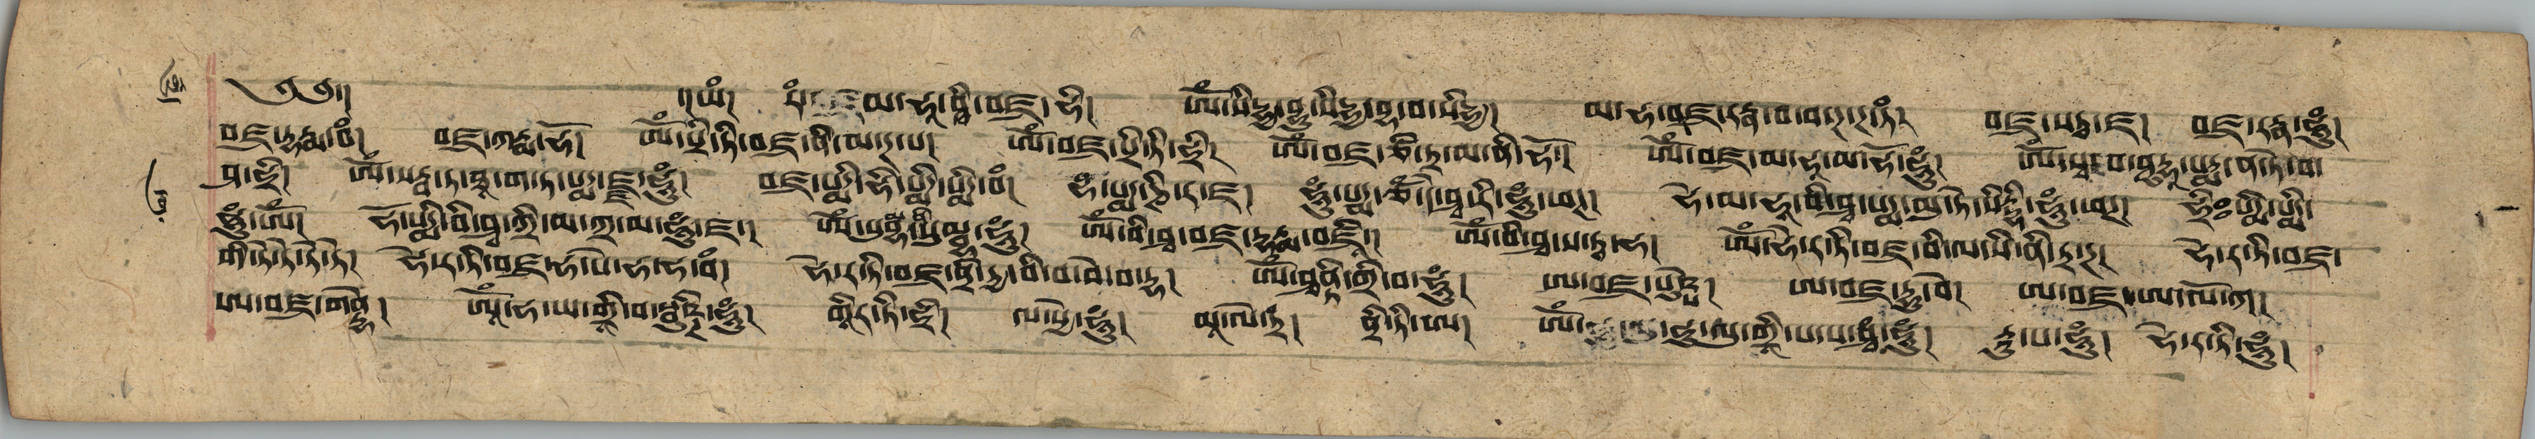་།ཡཾ། རཾ་ མ་ཧཱ་ཤྭི་བཛྲ་ཧི། ཨོཾ་སི་དྷྱ་བྷུ་སི་བྷྱ་བྷ་བ་སིདྷྱ། མ་ཧ་བཛྲ་རཏྣ་བ་བ་ཌ་ཌ་ཏཾ། བཛྲ་སཏྭ་ཛ། བཛྲ་རཏྣ་ཧཱུཾ།
བཛྲ་དྷརྨ་བཾ། བཛྲ་ཀརྨ་ཧོ། ཨོཾ་པྲི་ཏི་བཛྲ་ནི་མ་ཌ་པ། ཨོཾ་བཛྲ་པྲི་ཏི་ཧྲི། ཨོཾ་བཛྲ་ཙི་ཏྲ་མ་ནི་ཧོ། ཨོཾ་བཛྲ་མ་ཧཱ་མ་ཧོ་ཧཱུཾ། ཨོཾ་སྭ་བ་ཤུདྷ་པདྨ་ན་ཏེ་བ་
ཤ་ཧྲི། ཨོཾ་སརྦ་ཏ་ཐཱ་ག་ཏ་པདྨ་ཛྙ་ཧཱུཾ། བཛྲ་པདྨི་ཧི་པདྨི་པདྨི་བཾ། བྷ་པདྨ་ཎི་ར་ཛ། ཧཱུཾ་པདྨ་ཙཾ་དེ་ཤྭ་རི་ཧཱུཾ་ཕཊ། ཧེ་མ་ཧཱ་བི་ཤྭ་པདྨ་མུ་ཏེ་སིདྡྷི་ཧཱུཾ་ཕཊ། ཧྲི་ཿ་པདྨི་པདྨི་
ཧཱུཾ་ཨོཾ། ཧོ་པདྨི་བི་ཤྭ་ཀྲི་མ་ཀྲ་མ་ཧཱུཾ་ཛ་། ཨོཾ་སུ་བྷཾ་ནི་སུམྦྷ་ཧཱུཾ། ཨོཾ་བི་ཤྭ་བཛྲ་དྷརྨ་བཛྲི་། ཨོཾ་བི་ཤྭ་ས་ཏྭ་ཧ། ཨོཾ་ཧེ་ར་ཏི་བཛྲ་བི་ལ་སི་ནི་ཏྲ་ཌ། ཧེ་ར་ཏི་བཛྲ་
གི་ཏེ་ཏེ་ཏེ་ཏེ། ཧེ་ར་ཏི་བཛྲ་ཧ་སེ་ཧ་ཧ་བཾ། ཧེ་ར་ཏི་བཛྲ་ནྲི་ཏྱ་བི་བ་བེ་བ་དྷ། ཨོཾ་ཤྭནྟི་གྲི་བ་ཧཱུཾ། ཨ་བཛྲ་པུཥྤེ། ཨ་བཛྲ་དྷུ་བེ། ཨ་བཛྲ་ཨ་ལོ་ཀ།
ཨ་བཛྲ་གནྡྷེ། ཨཱོཾ་ཧ་ཡ་གྲཱི་བ་སྦུཥྚི་ཧཱུཾ། གཱིར་ཏི་ཧྲི། ལ་སྱེ་ཧཱུཾ། མཱ་ལེ་ཏྲཾ། ནྲི་ཏི་ཨ། ཨོཾ་ཧུ་ལུ་ཧུ་ལུ་གྲཱི་པ་པ་ཤྭཾ་ཧཱུཾ། རྡུ་པ་ཧཱུཾ། ཧེ་ར་ཏི་ཧཱུཾ།